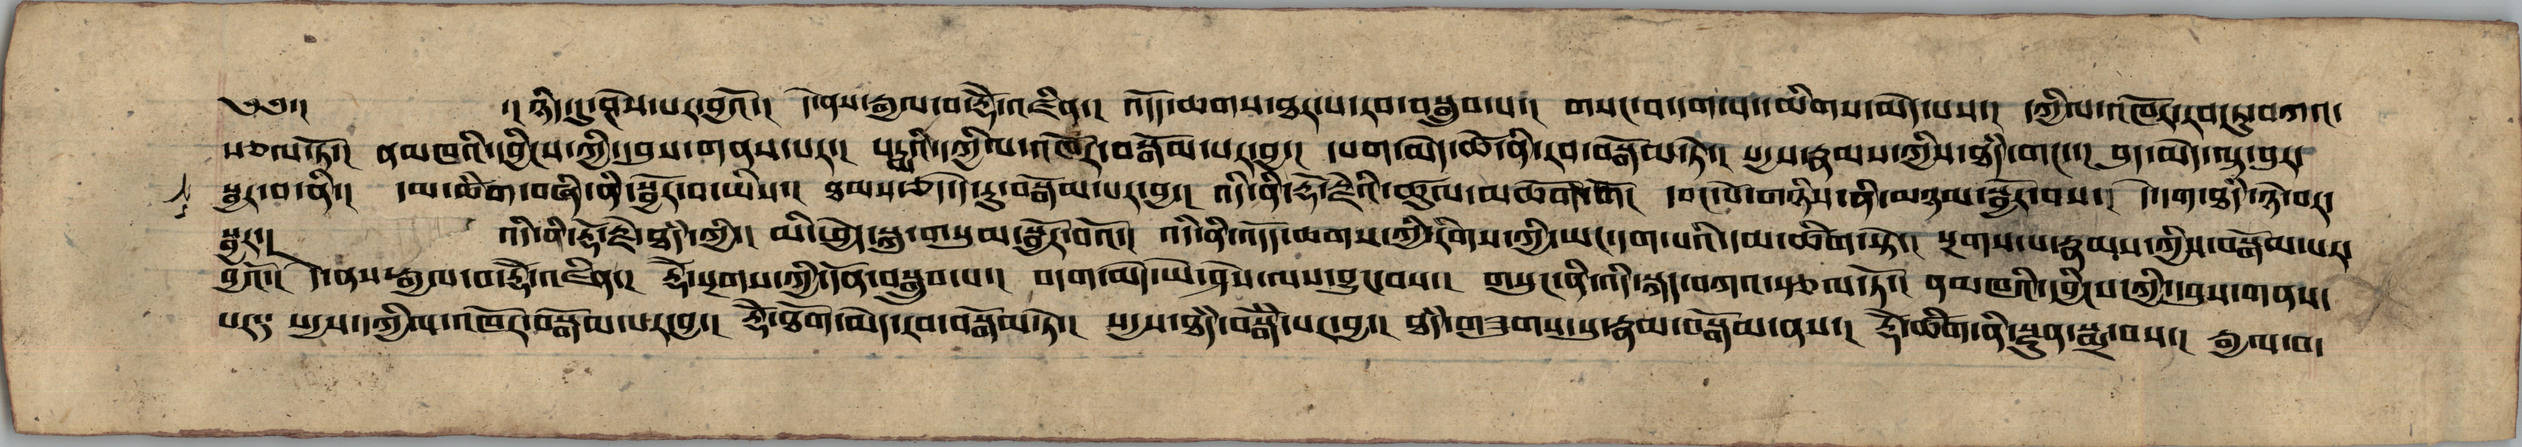༄༅་། ་།ཉིད་དུ་ཤེས་པར་བྱའོ་། དེ་ནས་རྒྱལ་བ་རྡོེ་འཛིན་། འདོད་ཆགས་ཐར་པ་རབ་བསྒྲུབ་པ་། གསང་བ་དག་པ་དམིགས་མེད་པས་། དཀྱིལ་འཁོར་རབ་ཏུ་བཀའ་
སྩལ་ཏོ་། ནམཁའི་དབྱིངས་ཀྱི་དབུས་གནས་པར་། པདྨའི་དཀྱིལ་འཁོར་བསྒོམ་པར་བྱ་། དཔག་མེད་ཚེ་ནི་རབ་བསྒོམ་ཏེ་། སདྱས་རྣམས་ཀྱིས་ཐཾད་གང་་། བུད་མེད་ལྟ་བུར་
སྦྱར་བ་ནི་། དམ་ཚིག་བཞི་ནི་སྦྱོར་བ་ཡིས་། ཐམས་ཅད་དེ་རུ་བསྒོམ་པར་བྱ་། འདི་ནི་རྡོ་རྗེའི་ཚུལ་མཆོག་གོ། དབང་པོ་གཉིས་ནི་མཉམ་སྦྱོར་བས་། དེ་དག་ཐཾད་ཉེ་བར་
སྦྱར་། འདི་ནི་རྡོ་རྗེ་ཐཾད་ཀྱི་། མི་ཕྱེད་སྐུ་གསུམ་སྦྱོར་བའོ་། འདི་ནི་འདོད་ཆགས་ཀྱི་རིགས་ཀྱི་ཡང་དག་པའི་དམ་ཚིག་སྟེ་། སྔགས་པ་རྣམས་ཀྱིས་བསྒོམ་པར་
བྱའོ་། དེ་ནས་རྒྱལ་བ་རྡོེ་འཛིན་། རྡོེ་སྔགས་ཀྱི་དོན་བསྒྲུབ་པ་། བདག་མེད་ཡེ་ཤེས་ལས་བྱུང་བས་། གསུང་ནི་འདི་སྐད་བཀའ་སྩལ་ཏོ་། ནམཁའི་དབྱིངས་ཀྱི་དབུས་གནས་
པར༑ སདྱས་དཀྱིལ་འཁོར་བསྒོམ་པར་བྱ་། རྡོེ་ཐོག་མེད་རབ་བསྒོམ་ཏེ་། སདྱས་ཐཾད་བསྒོཾ་པར་བྱ་། ཐཾད་གཟུགས་སུ་རྣམ་བསྒོམ་ནས་། རྡོེ་ཚིག་ནི་སྫུན་སྨྲ་བས་། རྒྱལ་བ་